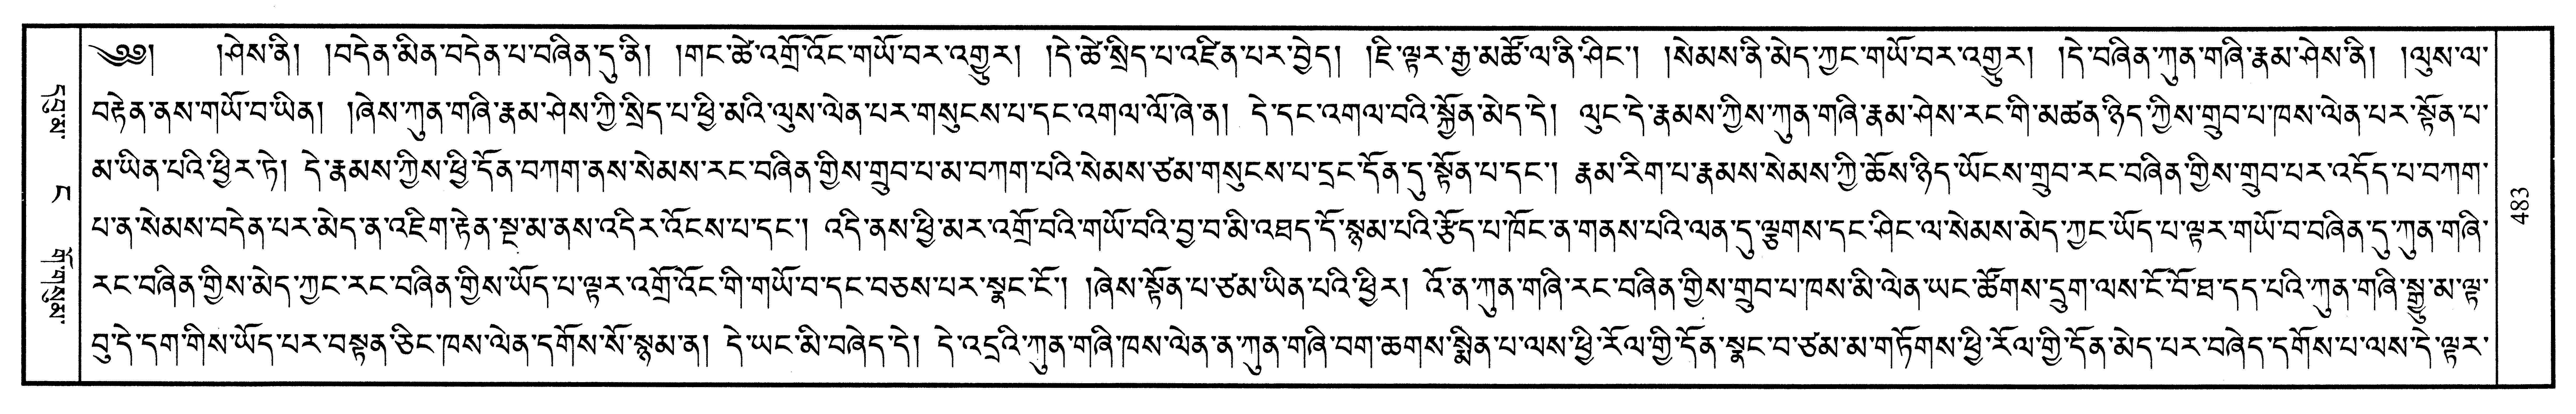༄༅། །ཤེས་ནི། །བདེན་མིན་བདེན་པ་བཞིན་དུ་ནི། །གང་ཚེ་འགྲོ་འོང་གཡོ་བར་འགྱུར། །དེ་ཚེ་སྲིད་པ་འཛིན་པར་བྱེད། །ཇི་ལྟར་རྒྱ་མཚོ་ལ་ནི་ཤིང་། །སེམས་ནི་མེད་ཀྱང་གཡོ་བར་འགྱུར། །དེ་བཞིན་ཀུན་གཞི་རྣམ་ཤེས་ནི། །ལུས་ལ་
བརྟེན་ནས་གཡོ་བ་ཡིན། །ཞེས་ཀུན་གཞི་རྣམ་ཤེས་ཀྱི་སྲིད་པ་ཕྱི་མའི་ལུས་ལེན་པར་གསུངས་པ་དང་འགལ་ལོ་ཞེ་ན། དེ་དང་འགལ་བའི་སྐྱོན་མེད་དེ། ལུང་དེ་རྣམས་ཀྱིས་ཀུན་གཞི་རྣམ་ཤེས་རང་གི་མཚན་ཉིད་ཀྱིས་གྲུབ་པ་ཁས་ལེན་པར་སྟོན་པ་
མ་ཡིན་པའི་ཕྱིར་ཏེ། དེ་རྣམས་ཀྱིས་ཕྱི་དོན་བཀག་ནས་སེམས་རང་བཞིན་གྱིས་གྲུབ་པ་མ་བཀག་པའི་སེམས་ཙམ་གསུངས་པ་དྲང་དོན་དུ་སྟོན་པ་དང་། རྣམ་རིག་པ་རྣམས་སེམས་ཀྱི་ཆོས་ཉིད་ཡོངས་གྲུབ་རང་བཞིན་གྱིས་གྲུབ་པར་འདོད་པ་བཀག་
པ་ན་སེམས་བདེན་པར་མེད་ན་འཇིག་རྟེན་སྔ་མ་ནས་འདིར་འོངས་པ་དང་། འདི་ནས་ཕྱི་མར་འགྲོ་བའི་གཡོ་བའི་བྱ་བ་མི་འཐད་དོ་སྙམ་པའི་རྩོད་པ་ཁོང་ན་གནས་པའི་ལན་དུ་ལྕགས་དང་ཤིང་ལ་སེམས་མེད་ཀྱང་ཡོད་པ་ལྟར་གཡོ་བ་བཞིན་དུ་ཀུན་གཞི་
རང་བཞིན་གྱིས་མེད་ཀྱང་རང་བཞིན་གྱིས་ཡོད་པ་ལྟར་འགྲོ་འོང་གི་གཡོ་བ་དང་བཅས་པར་སྣང་ངོ། །ཞེས་སྟོན་པ་ཙམ་ཡིན་པའི་ཕྱིར། འོ་ན་ཀུན་གཞི་རང་བཞིན་གྱིས་གྲུབ་པ་ཁས་མི་ལེན་ཡང་ཚོགས་དྲུག་ལས་ངོ་བོ་ཐ་དད་པའི་ཀུན་གཞི་སྒྱུ་མ་ལྟ་
བུ་དེ་དག་གིས་ཡོད་པར་བསྟན་ཅིང་ཁས་ལེན་དགོས་སོ་སྙམ་ན། དེ་ཡང་མི་བཞེད་དེ། དེ་འདྲའི་ཀུན་གཞི་ཁས་ལེན་ན་ཀུན་གཞི་བག་ཆགས་སྨིན་པ་ལས་ཕྱི་རོལ་གྱི་དོན་སྣང་བ་ཙམ་མ་གཏོགས་ཕྱི་རོལ་གྱི་དོན་མེད་པར་བཞེད་དགོས་པ་ལས་དེ་ལྟར་